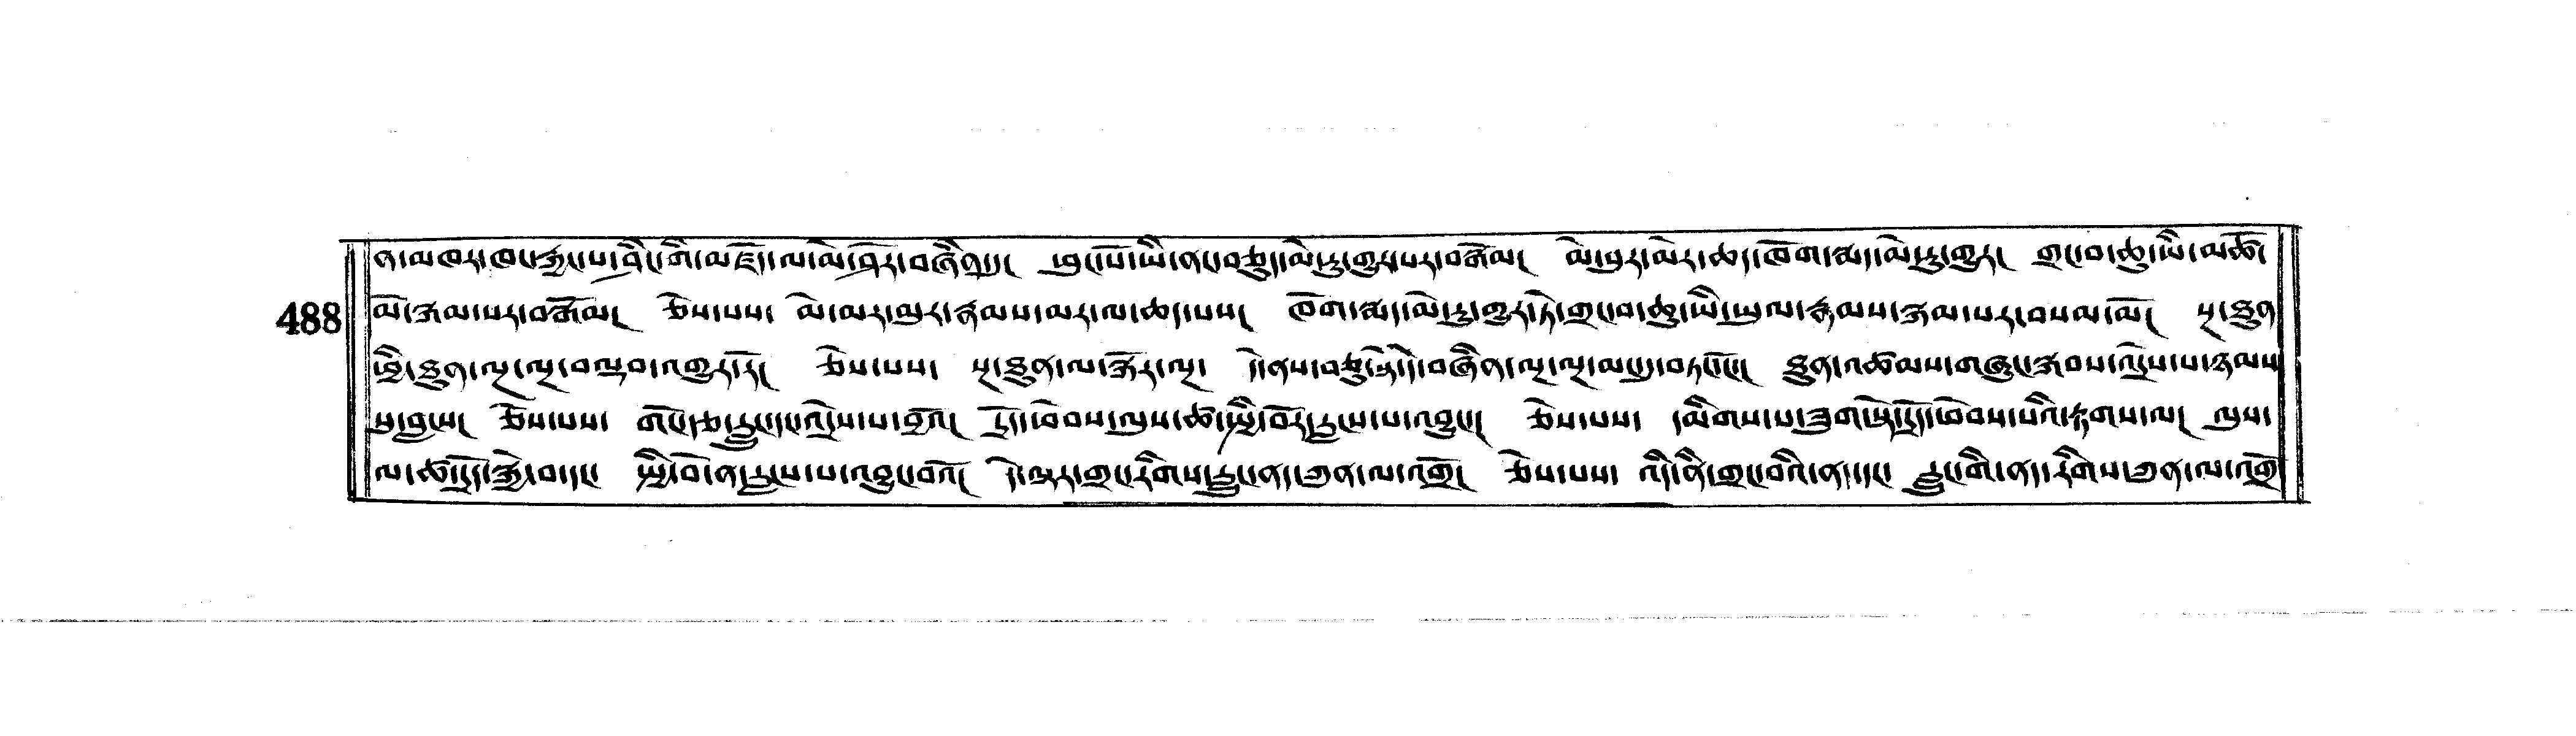ན་མཁར་ཁང་རྐྱང་པ་ཤིང་གི་མཛོད་ལ་མེ་ཤོར་བཞིན་དུ། ཕུང་པོ་ཡི་ནང་བཅུད་མེ་རུ་གྱུར་པར་བསྒོམ། མེ་པུར་མེ་ཆད་ཁོག་སྨད་མེ་རུ་གྱུར། གྲང་བ་ཆུ་ཡི་མཚོ་
མོ་སྐམ་པར་བསྒོམ། ཅེས་པས། མེ་མར་མུར་རྣམས་མར་ལ་ཆད་པས། ཁོག་སྨད་མེ་རུ་གྱུར་ནས་གྲང་བ་ཆུ་ཡི་ཡུལ་རྣམས་སྐམ་པར་བསམ་མོ། སྔ་ཐུན་
ཕྱི་ཐུན་སྔ་སྔ་ལྡབ་འགྱུར་རོ། ཅེས་པས། སྔ་ཐུན་ལ་སྐོར་ལྔ། དེ་ནས་བཅུ་སྟེ་དེ་བཞིན་ལྔ་ལྔ་མང་དུ་བཏང་ངོ་། ཐུན་མཚམས་གཞུང་སྐབས་འདྲེས་པ་ཉམས་
སུ་བླང་། ཅེས་པས། གོང་རྩ་རླུང་དང་འདྲེས་པ་བྱའོ། དྲོད་ཕེབས་ལུས་ཚ་སྤྱི་བོར་རླངས་པ་འབྱུང་། ཅེས་པས། དམིགས་པ་ཟུག་སྟེ་དྲོད་ཕེབས་པའི་རྟགས་ལ། ལུས་
ལ་ཚ་དྲོད་སྐྱེ་བ་དང་། སྤྱི་བོ་ན་རླངས་པ་འབྱུང་བའོ། དེ་ལྟར་གྲང་རེག་རླུང་ནད་ཀུན་ལ་འགྲོ། ཅེས་པས། འདི་ནི་གྲང་བའི་ནད་དང་། རླུང་གི་ནད་རིགས་ཀུན་ལ་འགྲོ་